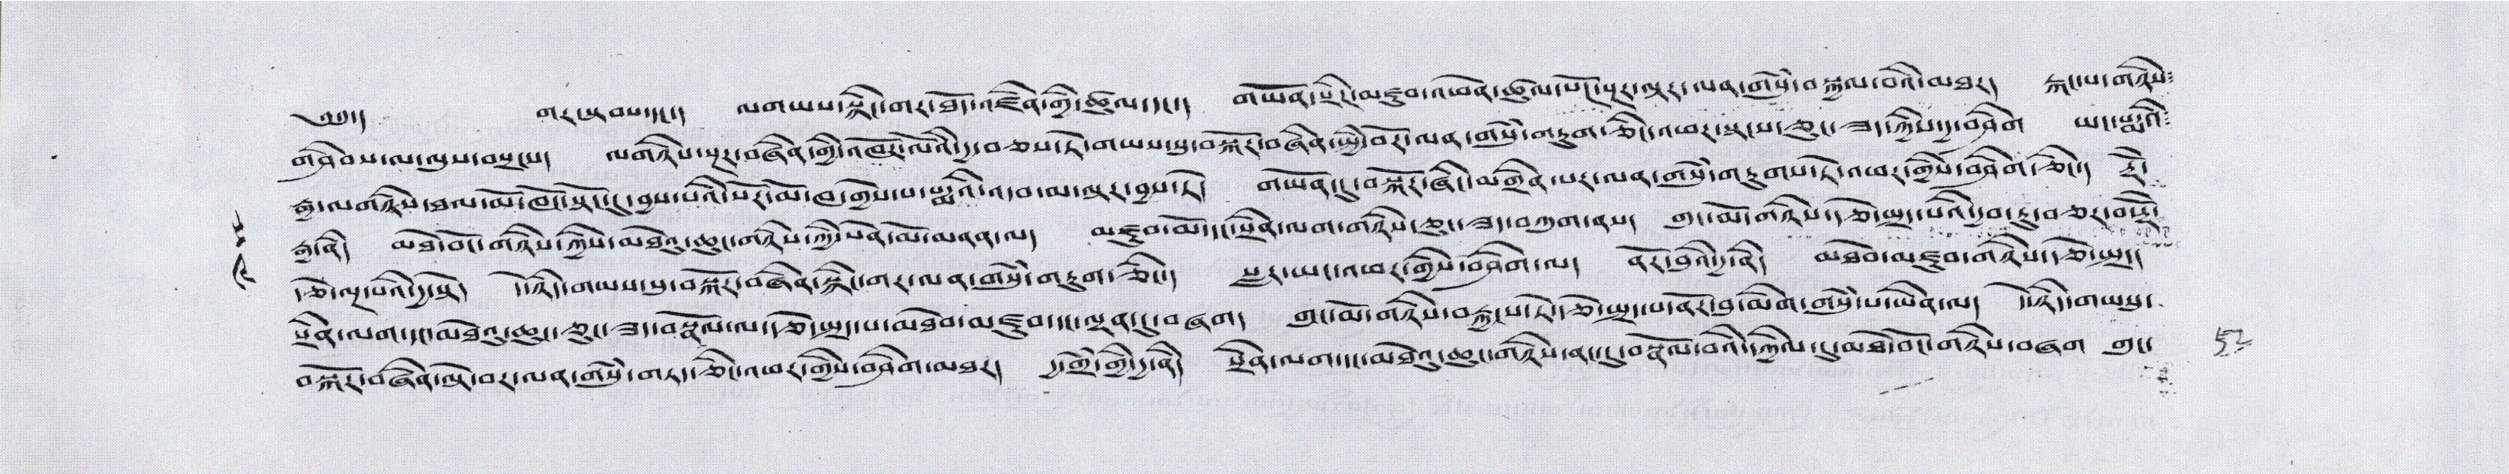གར་སྟབས་དང་། ལག་གཡས་སྙིང་གར་ཐོད་འཛིན་གྱི་ཚུལ་དང་། གཡོན་སྡིགས་འཛུབ་འཕེན་ཚུལ་སོགས་སྔར་ལྟར་ལན་གསུམ་བསྐྱལ་བའི་མཐར། རྐང་པ་གཉིས་
གཤིབས་ལ་ལུས་བསྲངས། ལག་གཉིས་སྔར་བཞིན་གྱི་འཁོར་ལོའི་རྒྱ་བཅས་ཏེ་གཡས་སུ་བསྐོར་བཞིན་སྤྱི་བོར་ལན་གསུམ་གཏུག་ཅིང་འཕར་སྟངས་ཅུང་ཟད་ཀྱིས་རྒྱ་བཤིག ཡང་པད་མའི་
རྒྱ་ལག་གཉིས་ཐལ་མོ་ཁོང་སྟོང་དུ་བྱས་པའི་སོར་མོ་ཁ་གྱེས་པ་པད་མའི་འདབ་མ་ལྟར་བྱས་ཏེ། གཡོན་དུ་བསྐོར་ཞིང་མགྲིན་པར་ལན་གསུམ་གཏུགས་ཏེ་འཕར་གྱིས་བཤིག་ཅིང་། རྡོ་རྗེ་
རྒྱ་ནི། མཐེ་བོང་གཉིས་ཀྱིས་མཐེ་ཆུང་གཉིས་ཀྱི་སེན་མོ་མནན་ལ། མཛུབ་མོ་དང་སྲིན་ལག་གཉིས་ཅུང་ཟད་བཀུག་ནས། གུང་མོ་གཉིས་རྩེ་སྤྲད་པའི་རྒྱབ་ཏུ་གཅར་བ་རྡོ་རྗེ་
རྩེ་ལྔ་པའི་རྒྱ་སྟེ། དེ་ཉིད་གཡས་སུ་བསྐོར་བཞིན་སྙིང་གར་ལན་གསུམ་གཏུག་ཅིང་། སླར་ཡང་འཕར་གྱིས་བཤིག་ལ། ནོར་བུའི་རྒྱ་ནི། མཐེབ་མཛུབ་གཉིས་རྩེ་སྤྲད་
སྲིན་ལག་དང་མཐེའུ་ཆུང་ཅུང་ཟད་བསྣོལ་ལ་རྩེ་སྤྲད་པ་མཐེབ་མཛུབ་དང་ལྷན་དུ་བཞག གུང་མོ་གཉིས་བརྐྱངས་ཏེ་རྩེ་སྤྲད་པ་ནོར་བུ་མིག་གསུམ་པ་ཡིན་ལ། དེ་ཉིད་གཡས་སུ་
བསྐོར་བཞིན་ལྟེ་བར་ལན་གསུམ་གཏད་ཅིང་འཕར་གྱིས་བཤིག་མཐར། རྒྱ་གྲམ་གྱི་རྒྱ་ནི། སྲིན་ལག་དང་མཐེའུ་ཆུང་གཉིས་ནང་དུ་བསྣོལ་བའི་དཀྱིལ་དུ་མཐེ་བོང་གཉིས་བཞག གུང་